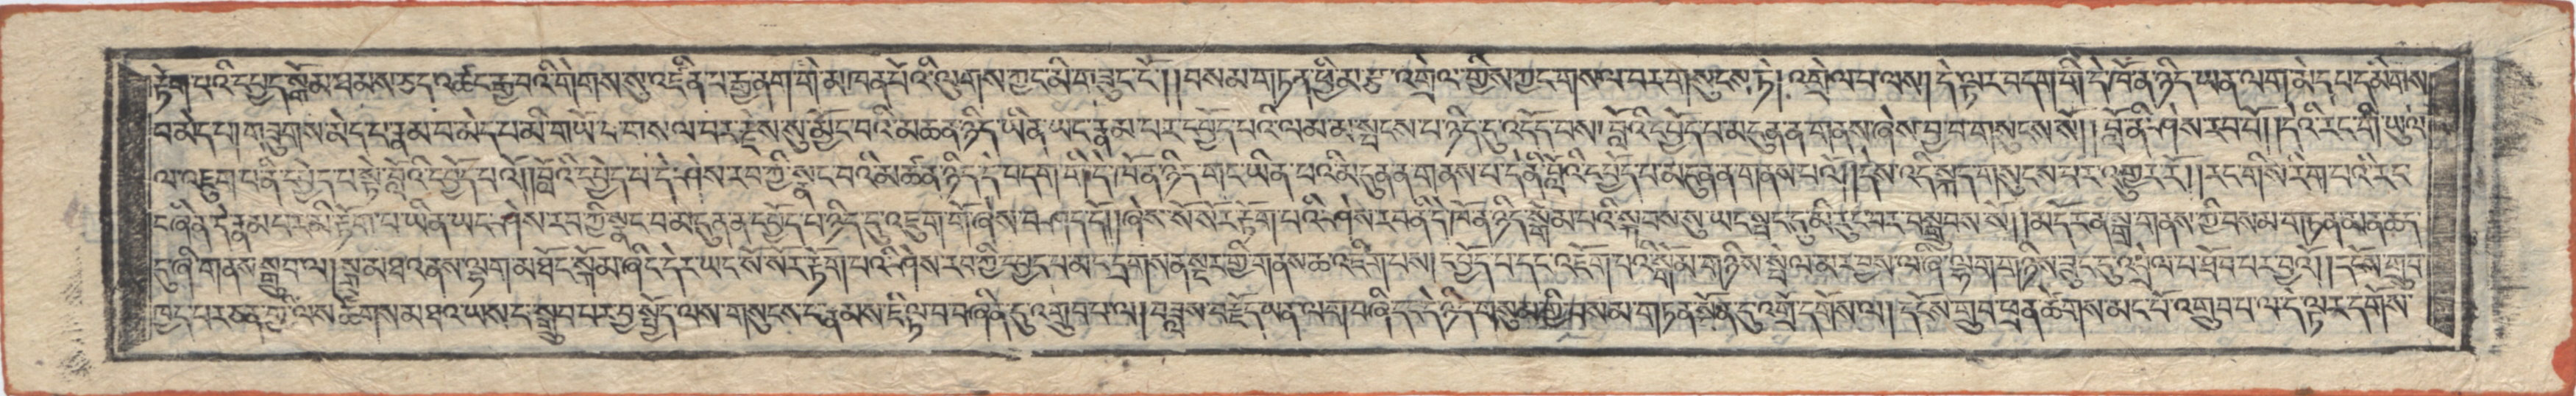རྟོག་པའི་དཔྱད་སྒོམ་ཐམས་ཅད་འཚང་རྒྱ་བའི་གེགས་སུ་འཛིན་པ་རྒྱ་ནག་གི་མཁན་པོའི་ལུགས་ཀྱང་མི་གཟུང་ངོ། །བསམ་གཏན་ཕྱི་མ་རྩ་འགྲེལ་གྱིས་ཀྱང་གསལ་བར་གསུངས་ཏེ། འགྲེལ་པ་ལས། དེ་ལྟར་བདག་གི་དེ་ཁོ་ན་ཉིད་ཡན་ལག་མེད་པ་དམིགས་
པ་མེད་པ། གཟུགས་མེད་པ་རྣམ་པ་མེད་པ་མི་གཡོ་བ་གསལ་བར་རྗེས་སུ་མྱོང་བའི་མཚན་ཉིད་ཡིན་ཡང་རྣམ་པར་དཔྱོད་པའི་ལམ་མ་སྤངས་པ་ཉིད་དུ་འདོད་པས། བློའི་དཔྱོད་པ་མདུན་ན་གནས་ཞེས་བྱ་བ་གསུངས་སོ། །བློ་ནི་ཤེས་རབ་པོ། །དེའི་རང་གི་ཡུལ་
ལ་འཇུག་པ་ནི་དཔྱོད་པ་སྟེ་བློའི་དཔྱོད་པའོ། །བློའི་དཔྱོད་པ་དེ་ཤེས་རབ་ཀྱི་སྣང་བའི་མཚན་ཉིད་དེ་བདག་གི་དེ་ཁོ་ན་ཉིད་གང་ཡིན་པའི་མདུན་ན་གནས་པ་དེ་ནི་བློའི་དཔྱོད་པ་མདུན་ན་གནས་པའོ། །དེས་འདི་སྐད་གསུངས་པར་འགྱུར་རོ། །རང་གིས་རིག་པའི་རང་
བཞིན་དེ་རྣམ་པར་མི་རྟོག་པ་ཡིན་ཡང་ཤེས་རབ་ཀྱི་སྣང་བ་མདུན་ན་དཔྱོད་པ་ཉིད་དུ་འཇུག་གོ་ཞེས་བཤད་དོ། །ཞེས་སོ་སོར་རྟོག་པའི་ཤེས་རབ་ནི་དེ་ཁོ་ན་ཉིད་སྒོམ་པའི་སྐབས་སུ་ཡང་སྤང་དུ་མི་རུང་བར་བསྒྲུབས་སོ། །མདོར་ན་སྒྲ་གནས་ཀྱི་བསམ་གཏན་མན་ཆད་
དུ་ཞི་གནས་སྒྲུབ་ལ། སྒྲ་མཐའ་ནས་ལྷག་མཐོང་སྒོམ་ཞིང་དེར་ཡང་སོ་སོར་རྟོག་པའི་ཤེས་རབ་ཀྱི་དཔྱད་པ་མང་དྲགས་ན་སྔར་གྱི་གནས་ཆ་འཇིག་པས། དཔྱོད་པ་དང་འཇོག་པའི་སྒོམ་གཉིས་སྤེལ་མར་བྱས་ལ་ཞི་ལྷག་གཉིས་ཟུང་དུ་འབྲེལ་པ་ཐོབ་པར་བྱའོ། །དངོས་གྲུབ་
ཁྱད་པར་ཅན་གྱི་ལས་ཚོགས་མཐའ་ཡས་པ་སྒྲུབ་པར་བྱ་སྤྱོད་ལས་གསུངས་པ་རྣམས་ཇི་ལྟ་བ་བཞིན་དུ་འགྲུབ་པ་ལ། བཟླས་བརྗོད་ཡན་ལག་བཞི་དང་དེ་ཉིད་གསུམ་གྱི་བསམ་གཏན་སྔོན་དུ་འགྲོ་དགོས་ལ། དངོས་གྲུབ་ཕྲན་ཚོགས་མང་པོ་འགྲུབ་པ་ལ་དེ་ལྟར་དགོས་